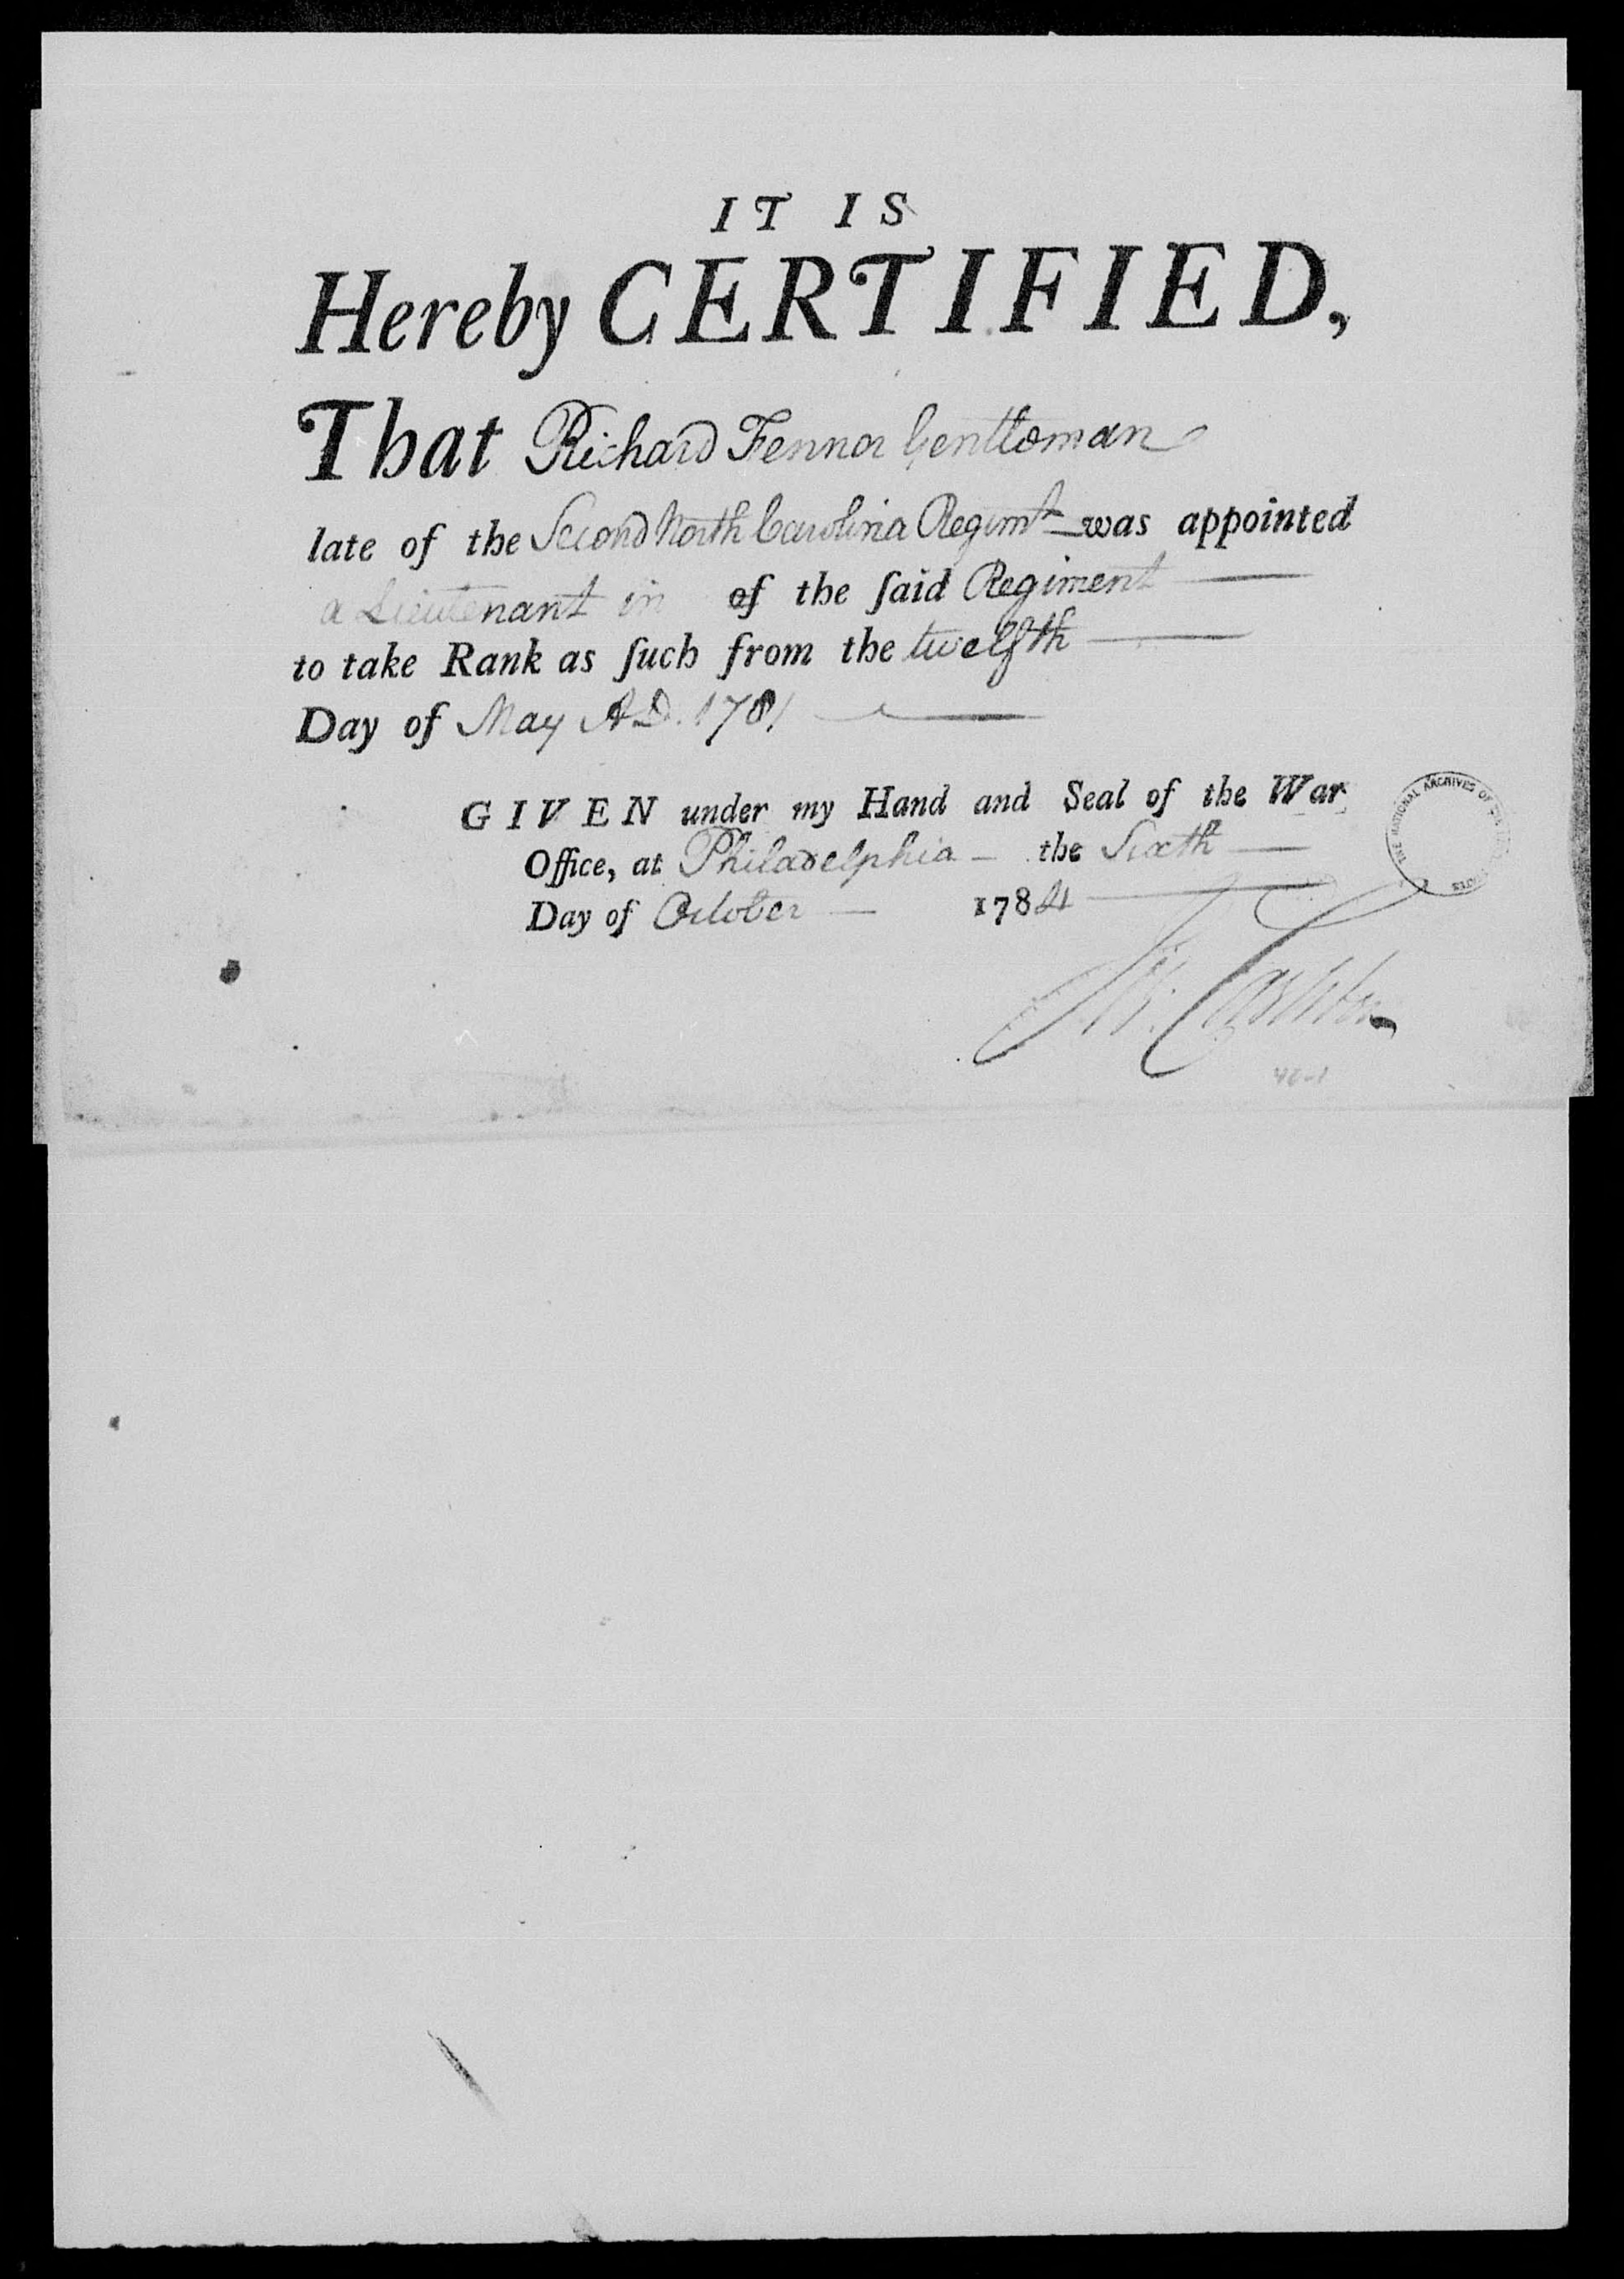It Is
Hereby Certified,
That Richard Fenner Gentleman
late of the Second North Carolina Regmt. was appointed
a Lieutenant in the the said Regiment
to take Rank as such from the twelfth 
Day of May AD 17__

Given under my Hand and Seal of the War
Office, at Philadelphia the Sixth
Day of October 1784
/__/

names: Richard Fenner, Jno Cashton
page: 16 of 39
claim: widow's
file: W. 789, Richard Fenner, N.C.